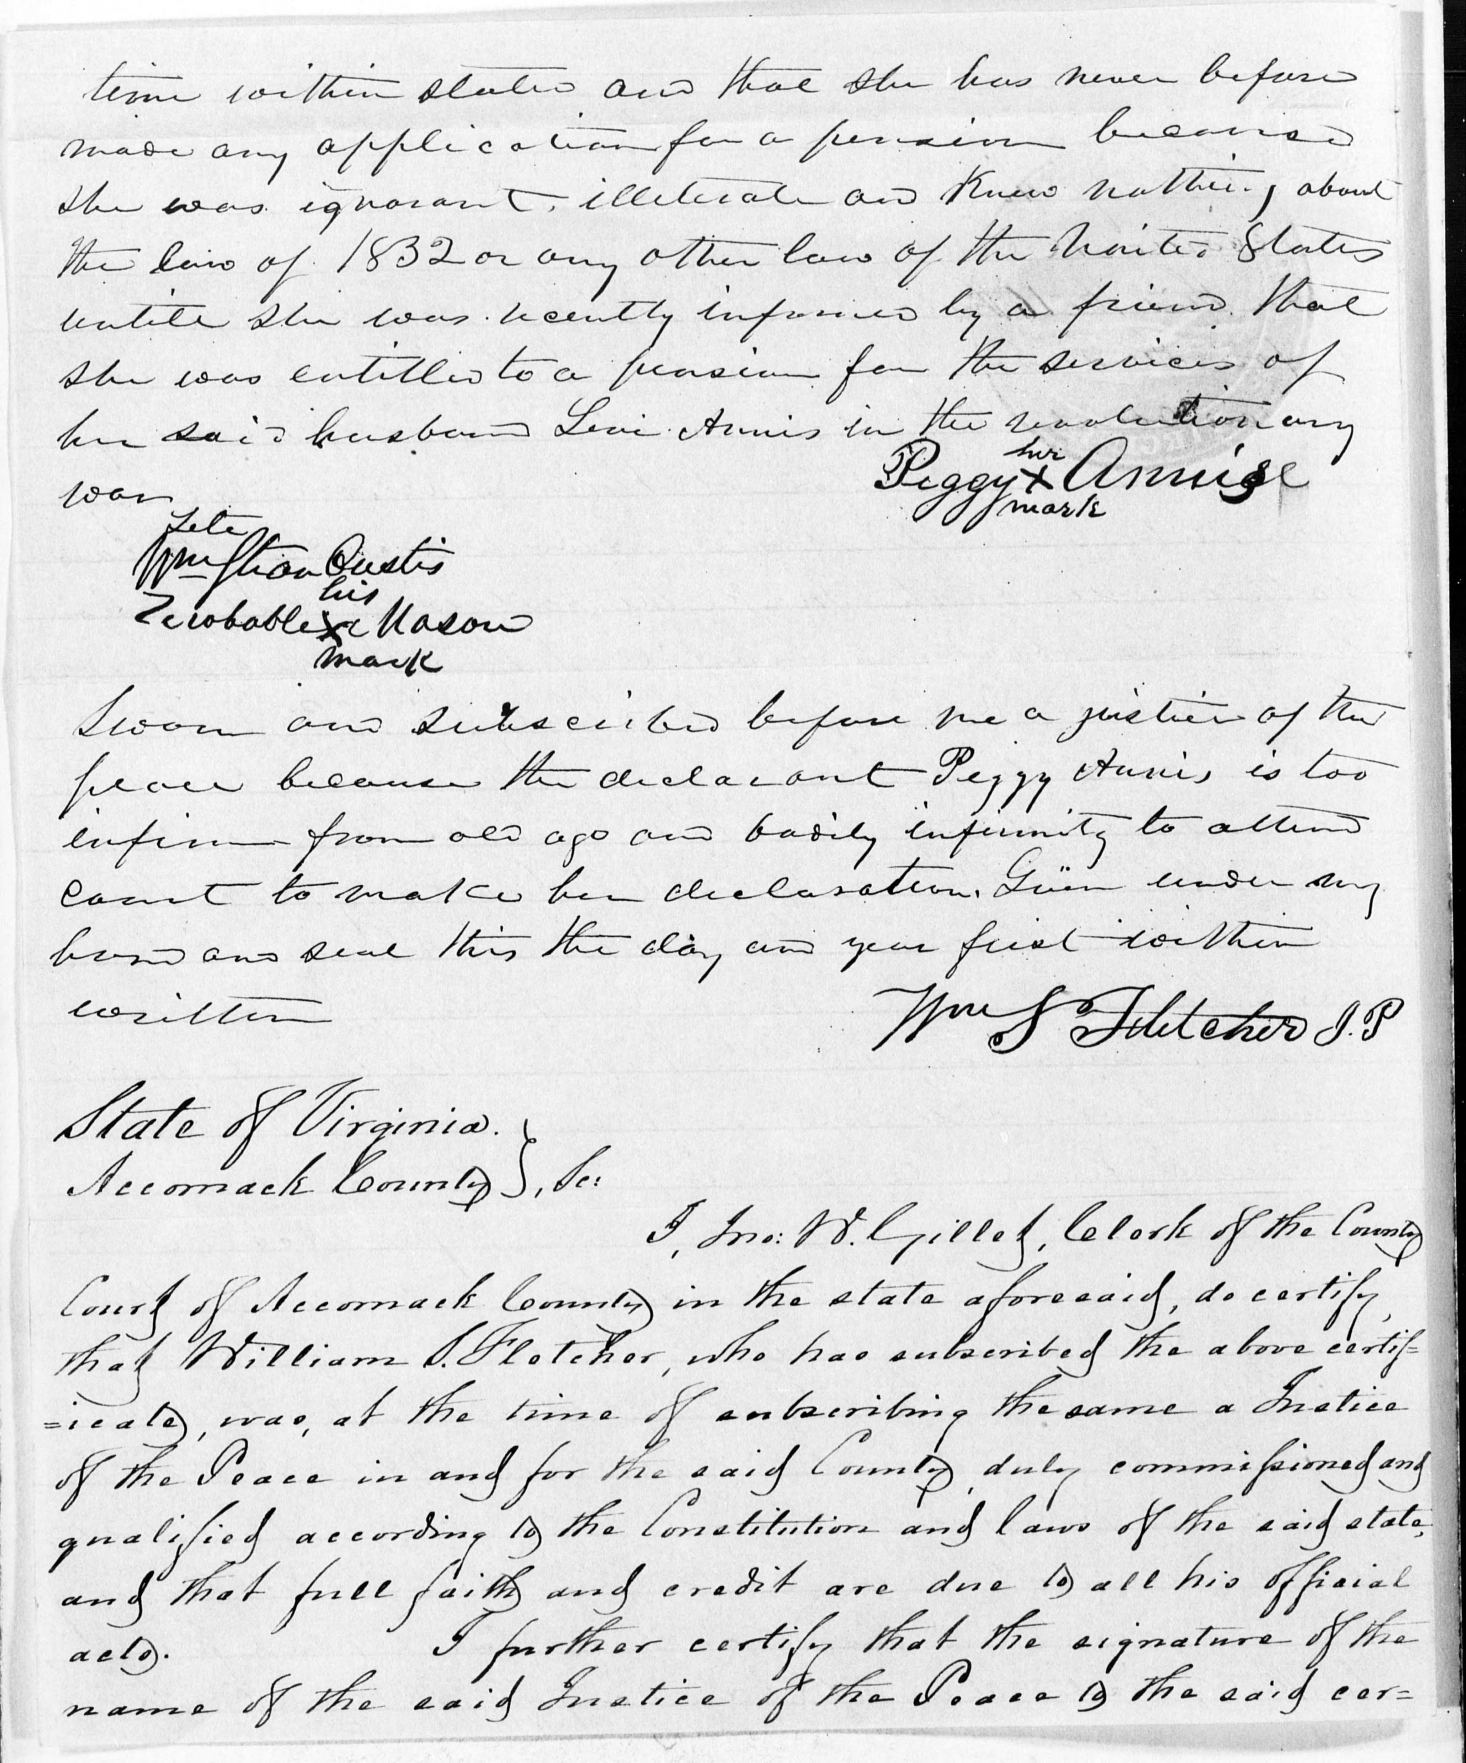time within states and that she has never before made any application for a pension because she was ignorant, illiterate and knew nothing about the laws of 1832 or any other law of the United States until she was recently informed by a friend that she was entitled to a pension for the services of her said husband Levi Annis in the revolutionary war. 
         her
Peggy  X  Annise
          mark

Teste
Wm. Stean Custis
               his
Zecobable  X  Mason
               mark

Sworn and subscribed before me a justice of the peace becasuse the declarant Peggy Annis is too infirm from old age and bodily infirmity to attend court to make her declaration. Given under my hand and seal this the day and year first within written
Wm. S. Fletcher J.P.
State of Virginia}
Accomack county } Set
I, Jno. W. Gillet, Clerk of the county Court of Accomack County in the state aforesaid, do certify that William S. Fletcher, who has subscribed the above certificate, was, at the time of subscribing the same a Justice of the Peace in and for the said County duly commissioned and qualified according to the Constitution and laws of the said state, and that full faith and credit are due to all his official acts.     I further certify that the signature of the name of the said Justice of the Peace @ the said car=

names: William S Fletcher, Zerobable Mason, Jno W Gillet, Peggy Annis, Peggy Annise, Wm Stean Custis, Wm S Fletcher, Levi Annis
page: 9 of 27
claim: widow's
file: W 5624, Levi Annis, Va. Va. Sea Service